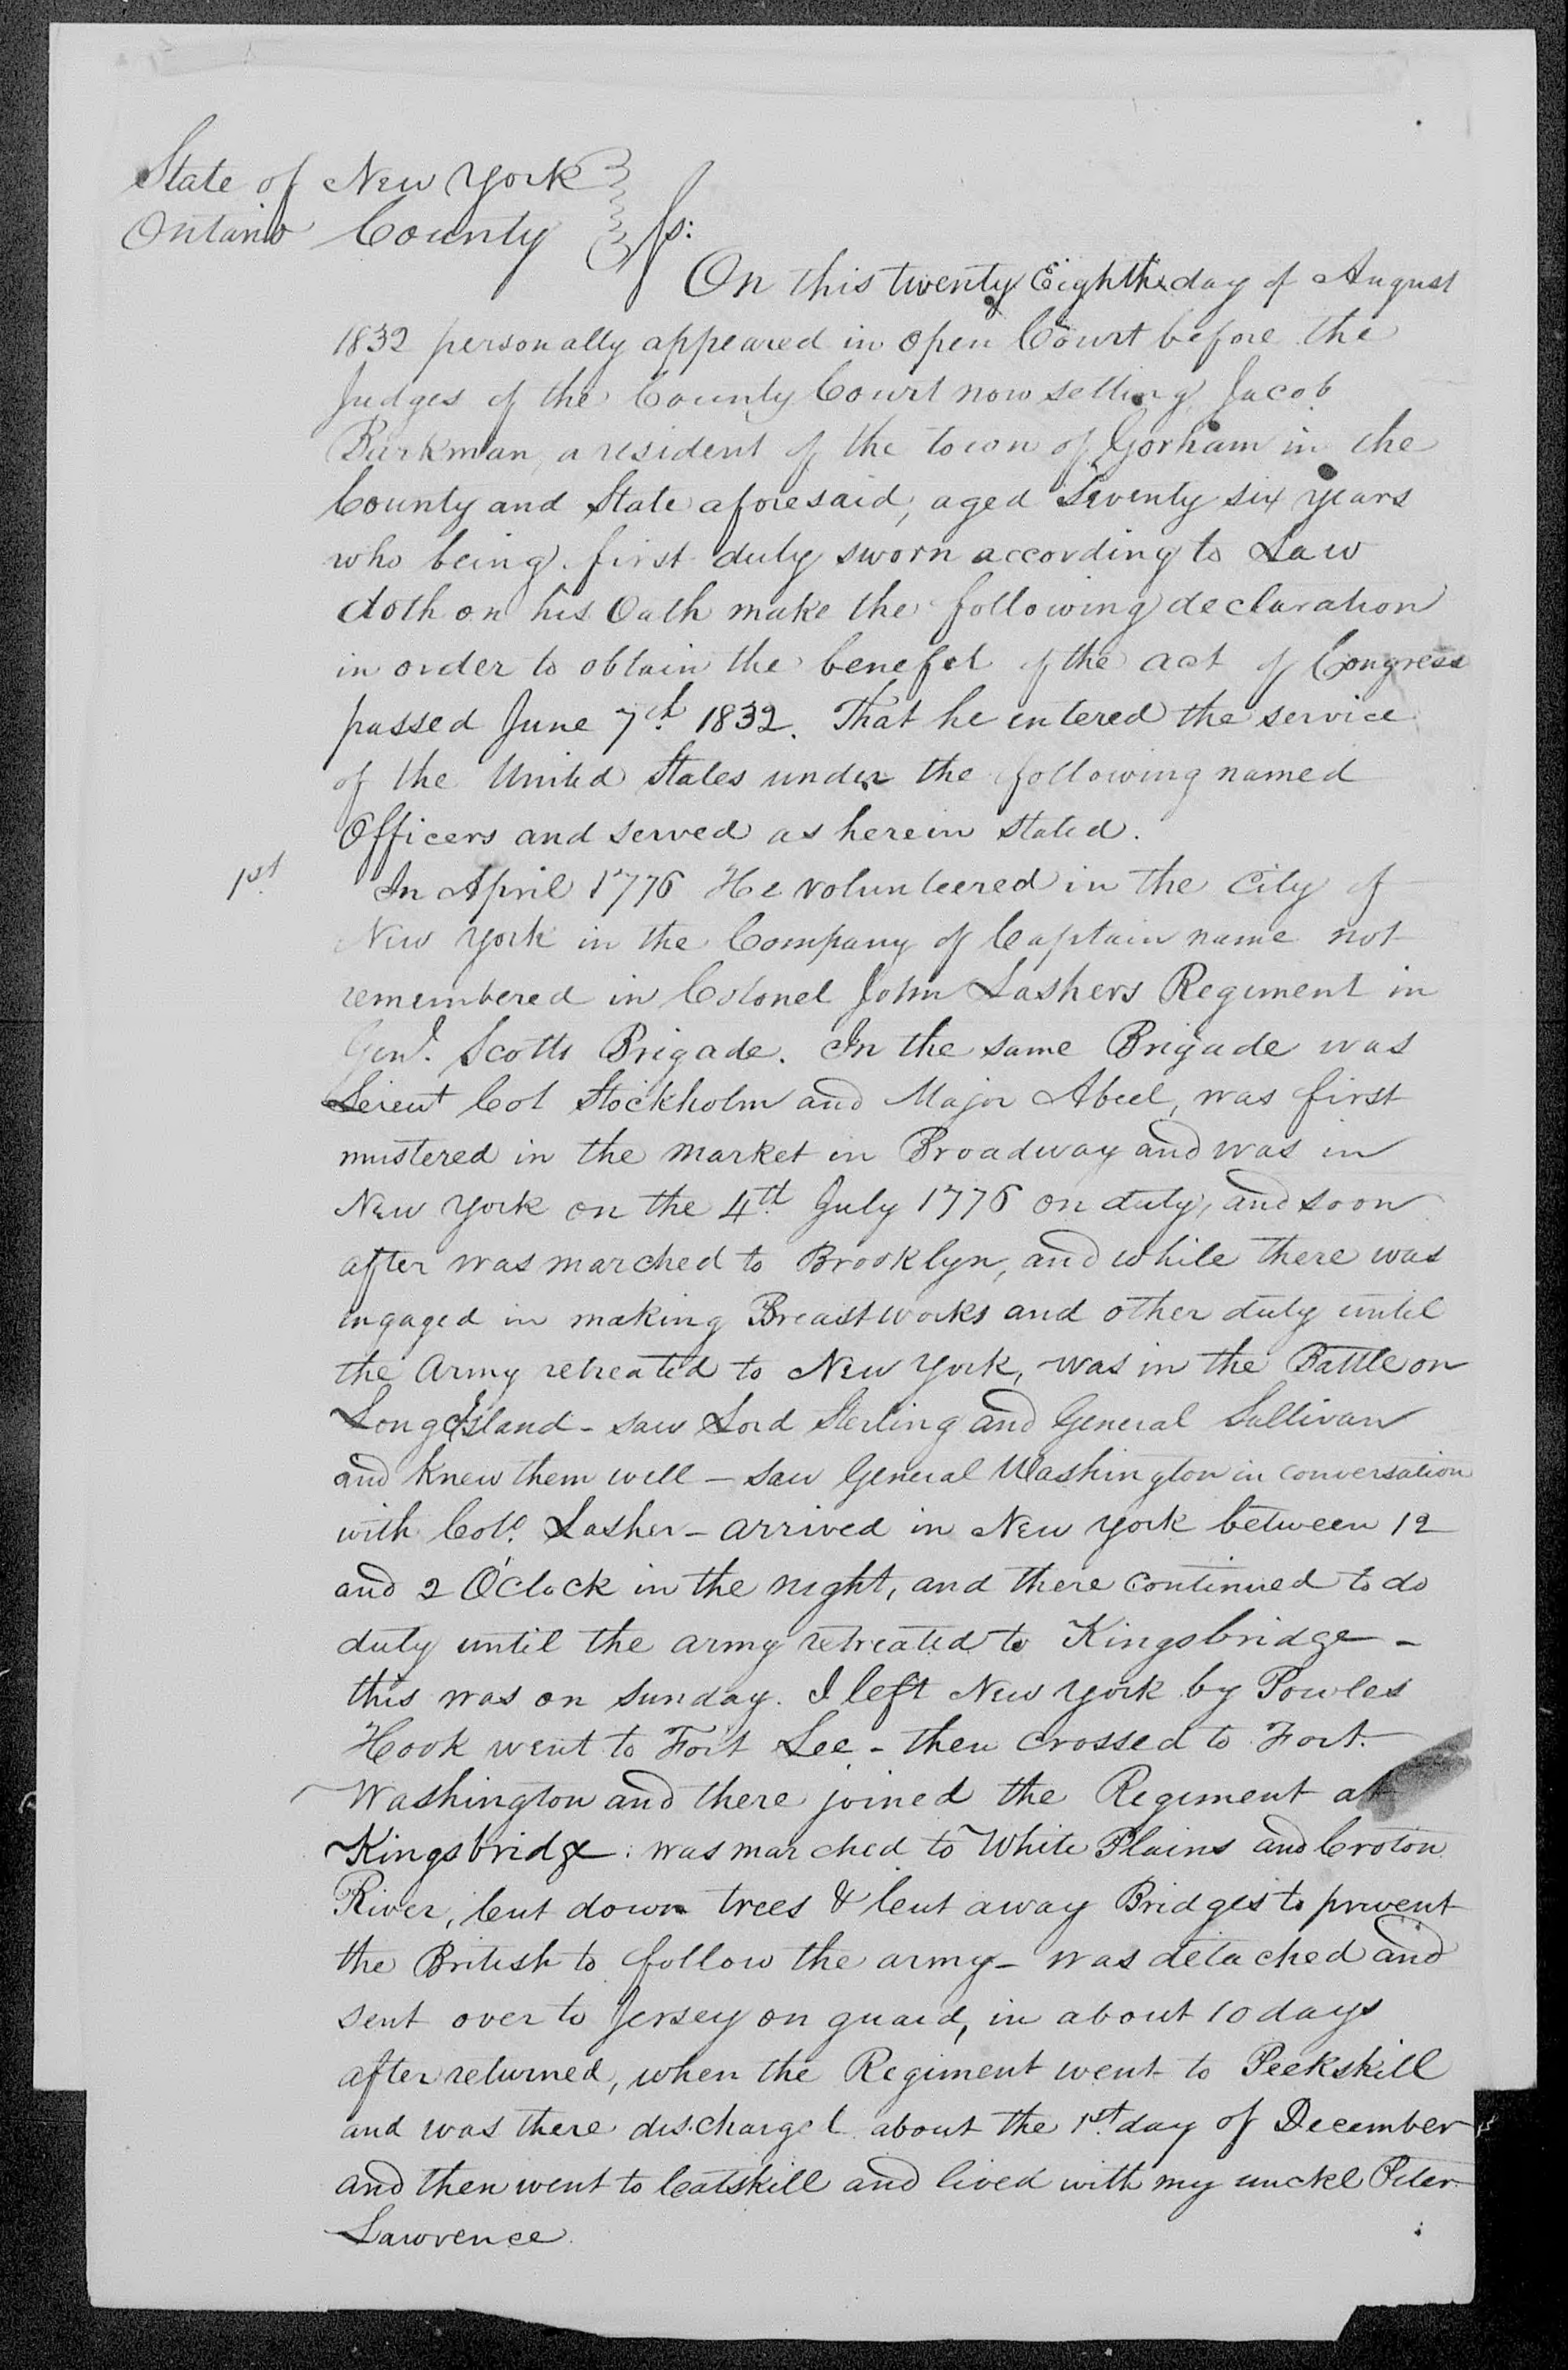State of New York
Ontario County

On this twenty eighth day of August 1832 personnaly appeared in the open Court before the Judges of the County Court now setting Jaco Barkman a resident of the town of Gorham in the County and State aforesaid, ages Seventy six years who being first duly sworn according to Law doth on his oath make the following declaration in order to obtain the benefit of the act of Congress passed June 7th, 1832. That he entered the service of the United States under the following named officers and served as herein stated:

In April 1776, he volunteered in the City of New York in the Company of Captain name not remembered in Colonel Hohn Lashers Regiment in General Scotts Brigade. In the same Brigade was Lieutentant Colonel Stockholm and Major Abel, was first mustered in the market in Broadway and was in New York on the 4th of July 1776 on duty, and soon after was marched to Brooklyn, and while there was engaged in making breatworks and other duty until the Army retreated to New York, was in the Battle on Long Island. Saw Lord Sterling and General Sullivan and knew them well. Saw General Washington in conversation with Colonel Lasher. Arrived in New York between 12 and 2 O'Clock in the night, and there continued to do duty until the army retreated to Kingsbridge as this was on Sunday. I left New York by Powles Hook, went to Fort Lee, then crossed to Fort Washington and there joined the Remgiment at Kingsbridge, was marched to White Plains and Groten River, cut down trees and cut away Bridges to prevent the British to follow the army, was detched and sent over to Jersey on guard, in about 10 days afer returned, when the Regiment went to Peekskill and was there discharged about the 1st day of December and then went to Catskill and lived with my uncle Peter Lawrence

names: Lord Sterling, Sullivan, Washington, Jacob Barkman, Stockholm, Lasher, Abeel, Powles Hook, Peter Lawrence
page: 5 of 12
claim: survivor's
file: S. 23,528, Jacob Barkman, New York